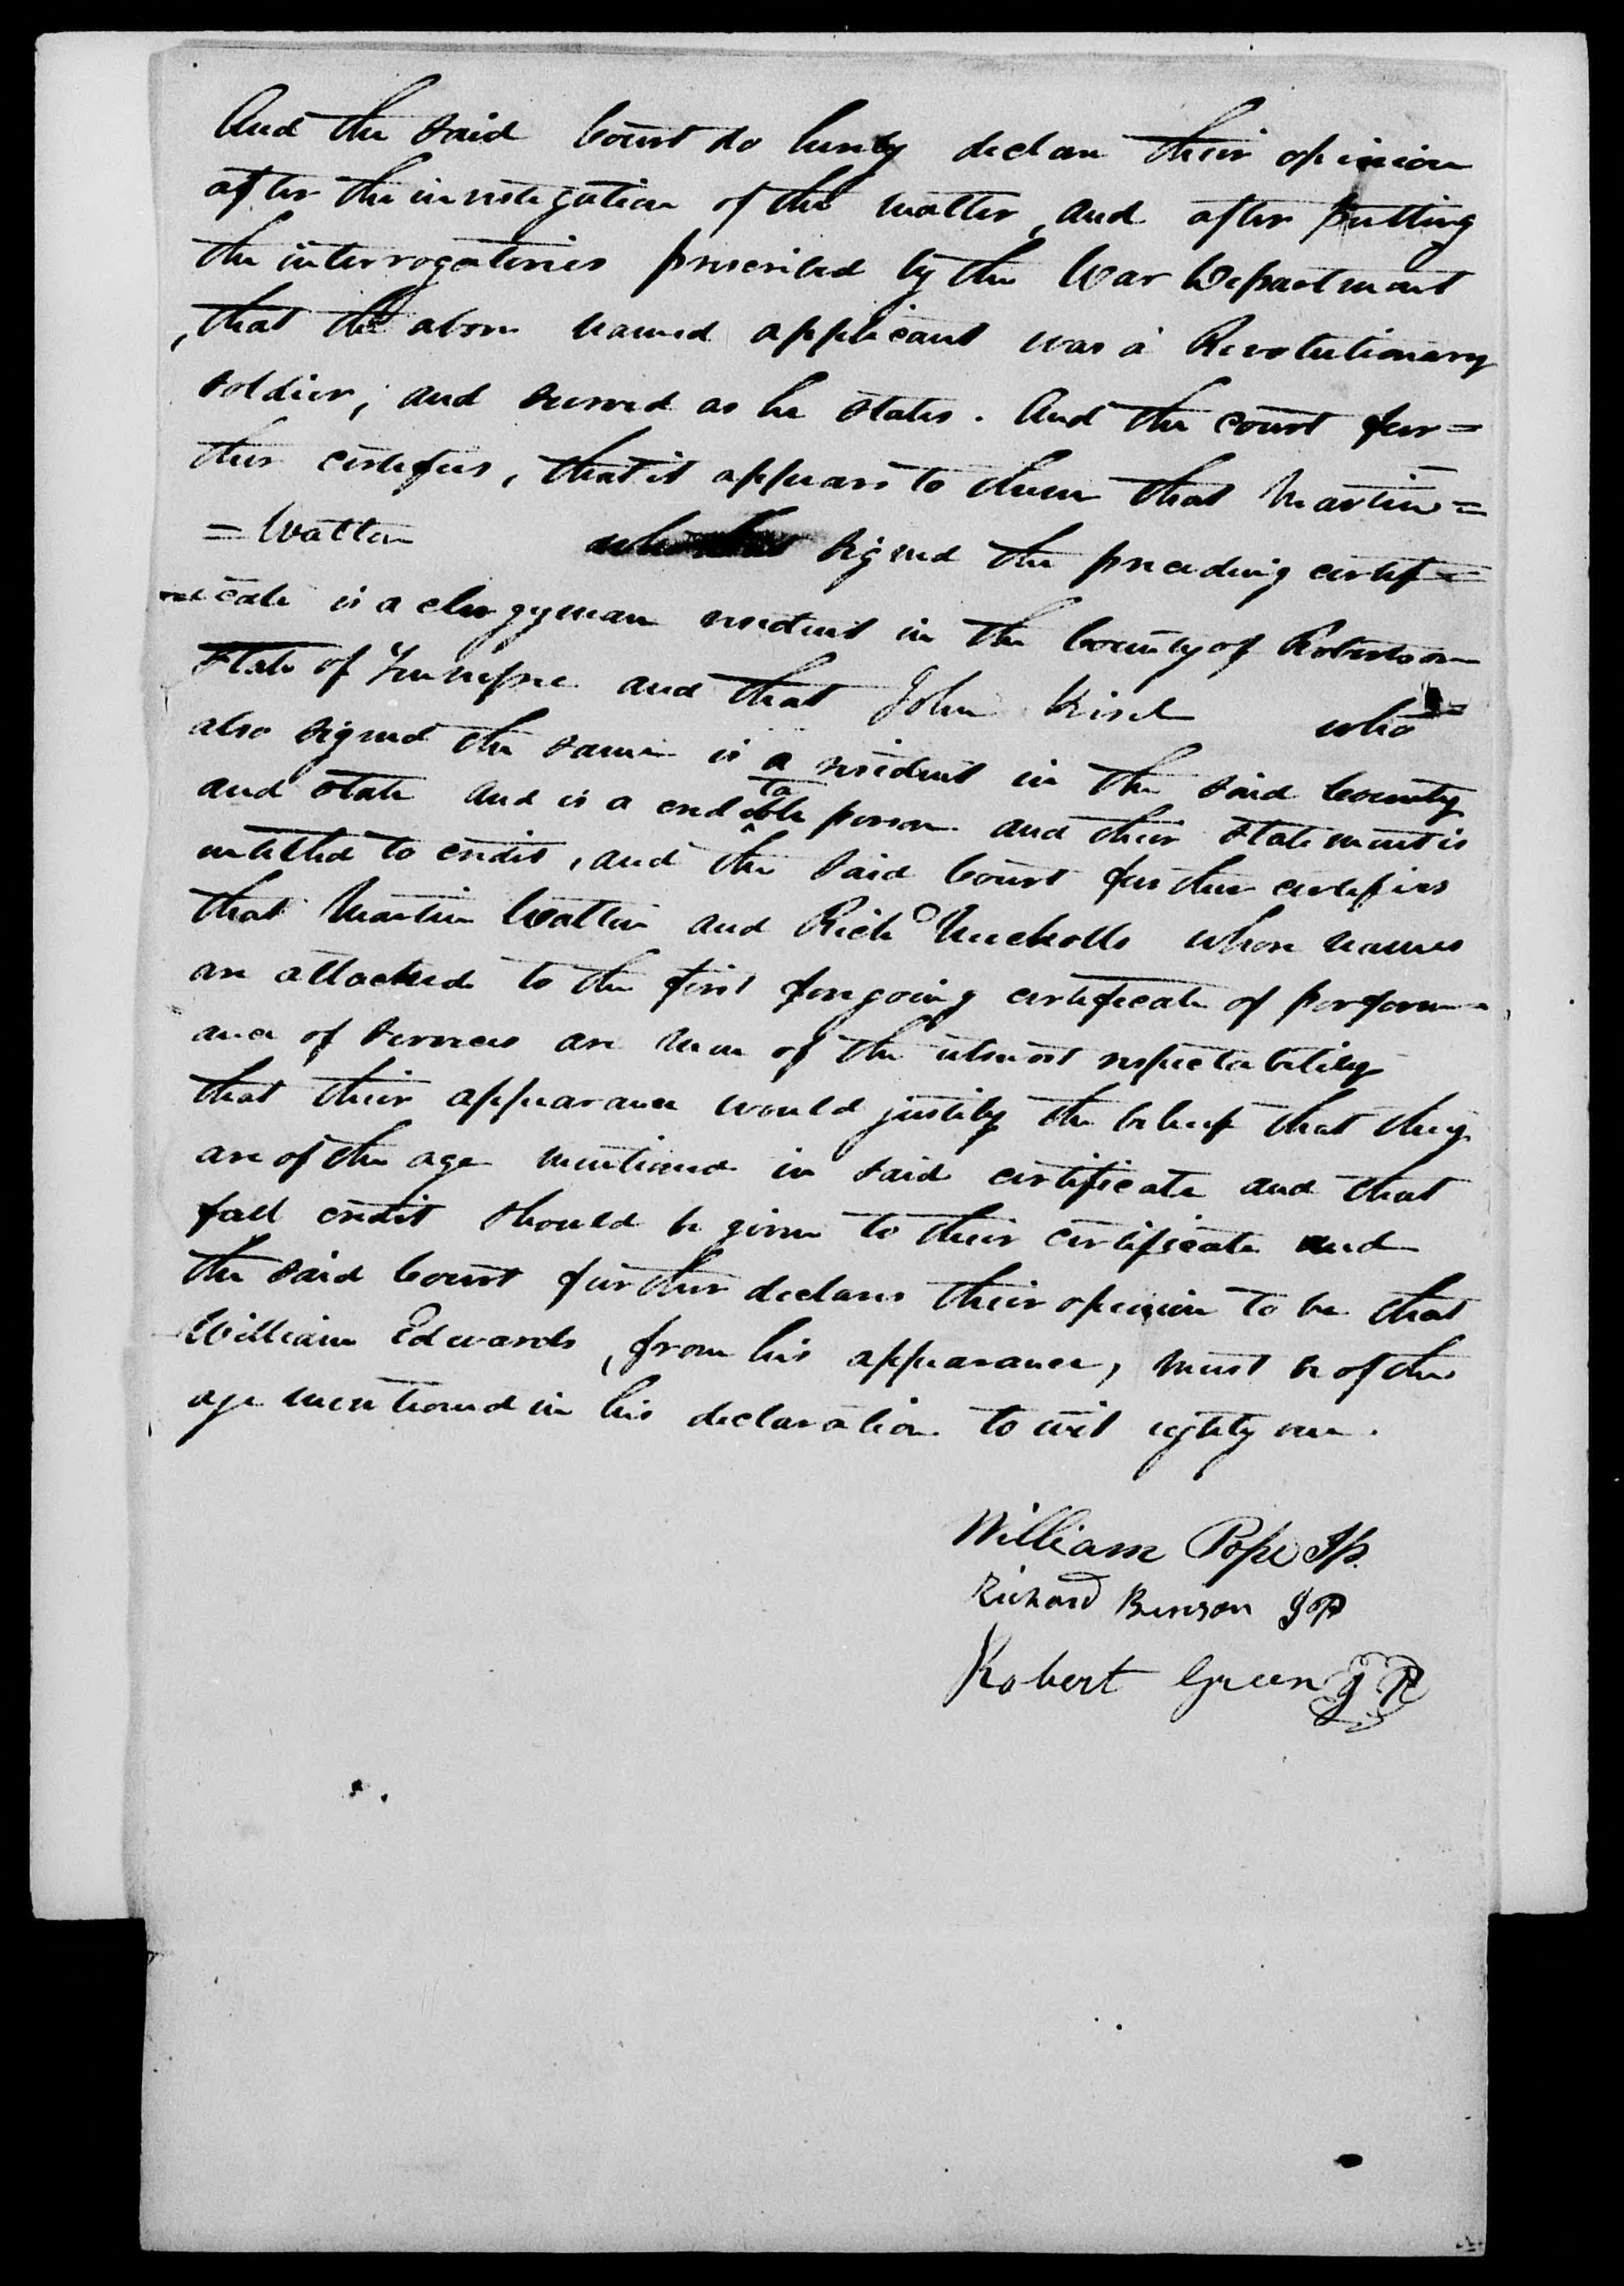And the said Court do hereby declare their opinion after the investigation of the matter, and after putting the interrogatories prescribed by the War Department, that the above named applicant was a Revolutionary soldier, and served as he states. And the court further certifies, that it appears to them that Martin Walton who has signed the preceding certificate is a clergyman resident in the County of Robertson State of Tennessee and that John Krisel who also signed the same is a resident in the said County and state and is a creditable person and their statement is entitled to credit, and the said Court further certifies that Martin Walton and Richd Nuckolls whose names are attached to the first foregoing certificate of performance of services are men of the utmost respectability that their appearance would justify the belief that they are of the age mentioned in said certificate and that full credit should be given to their certificate and that the said Court further declares their opinion to be that William Edwards (from his appearance) must be of the age mentioned in his declaration to wit eighty one.
William Pope JP.
Richard Bunson JP
Robert Green {JP}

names: William Edwards, Martin Walton, William Rope, John Krisel, Richd Nuckolls, Walton, Martin Walton, Robert Green, Richard Benson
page: 8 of 47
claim: survivor's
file: S. 3,322, William Edwards, Va.